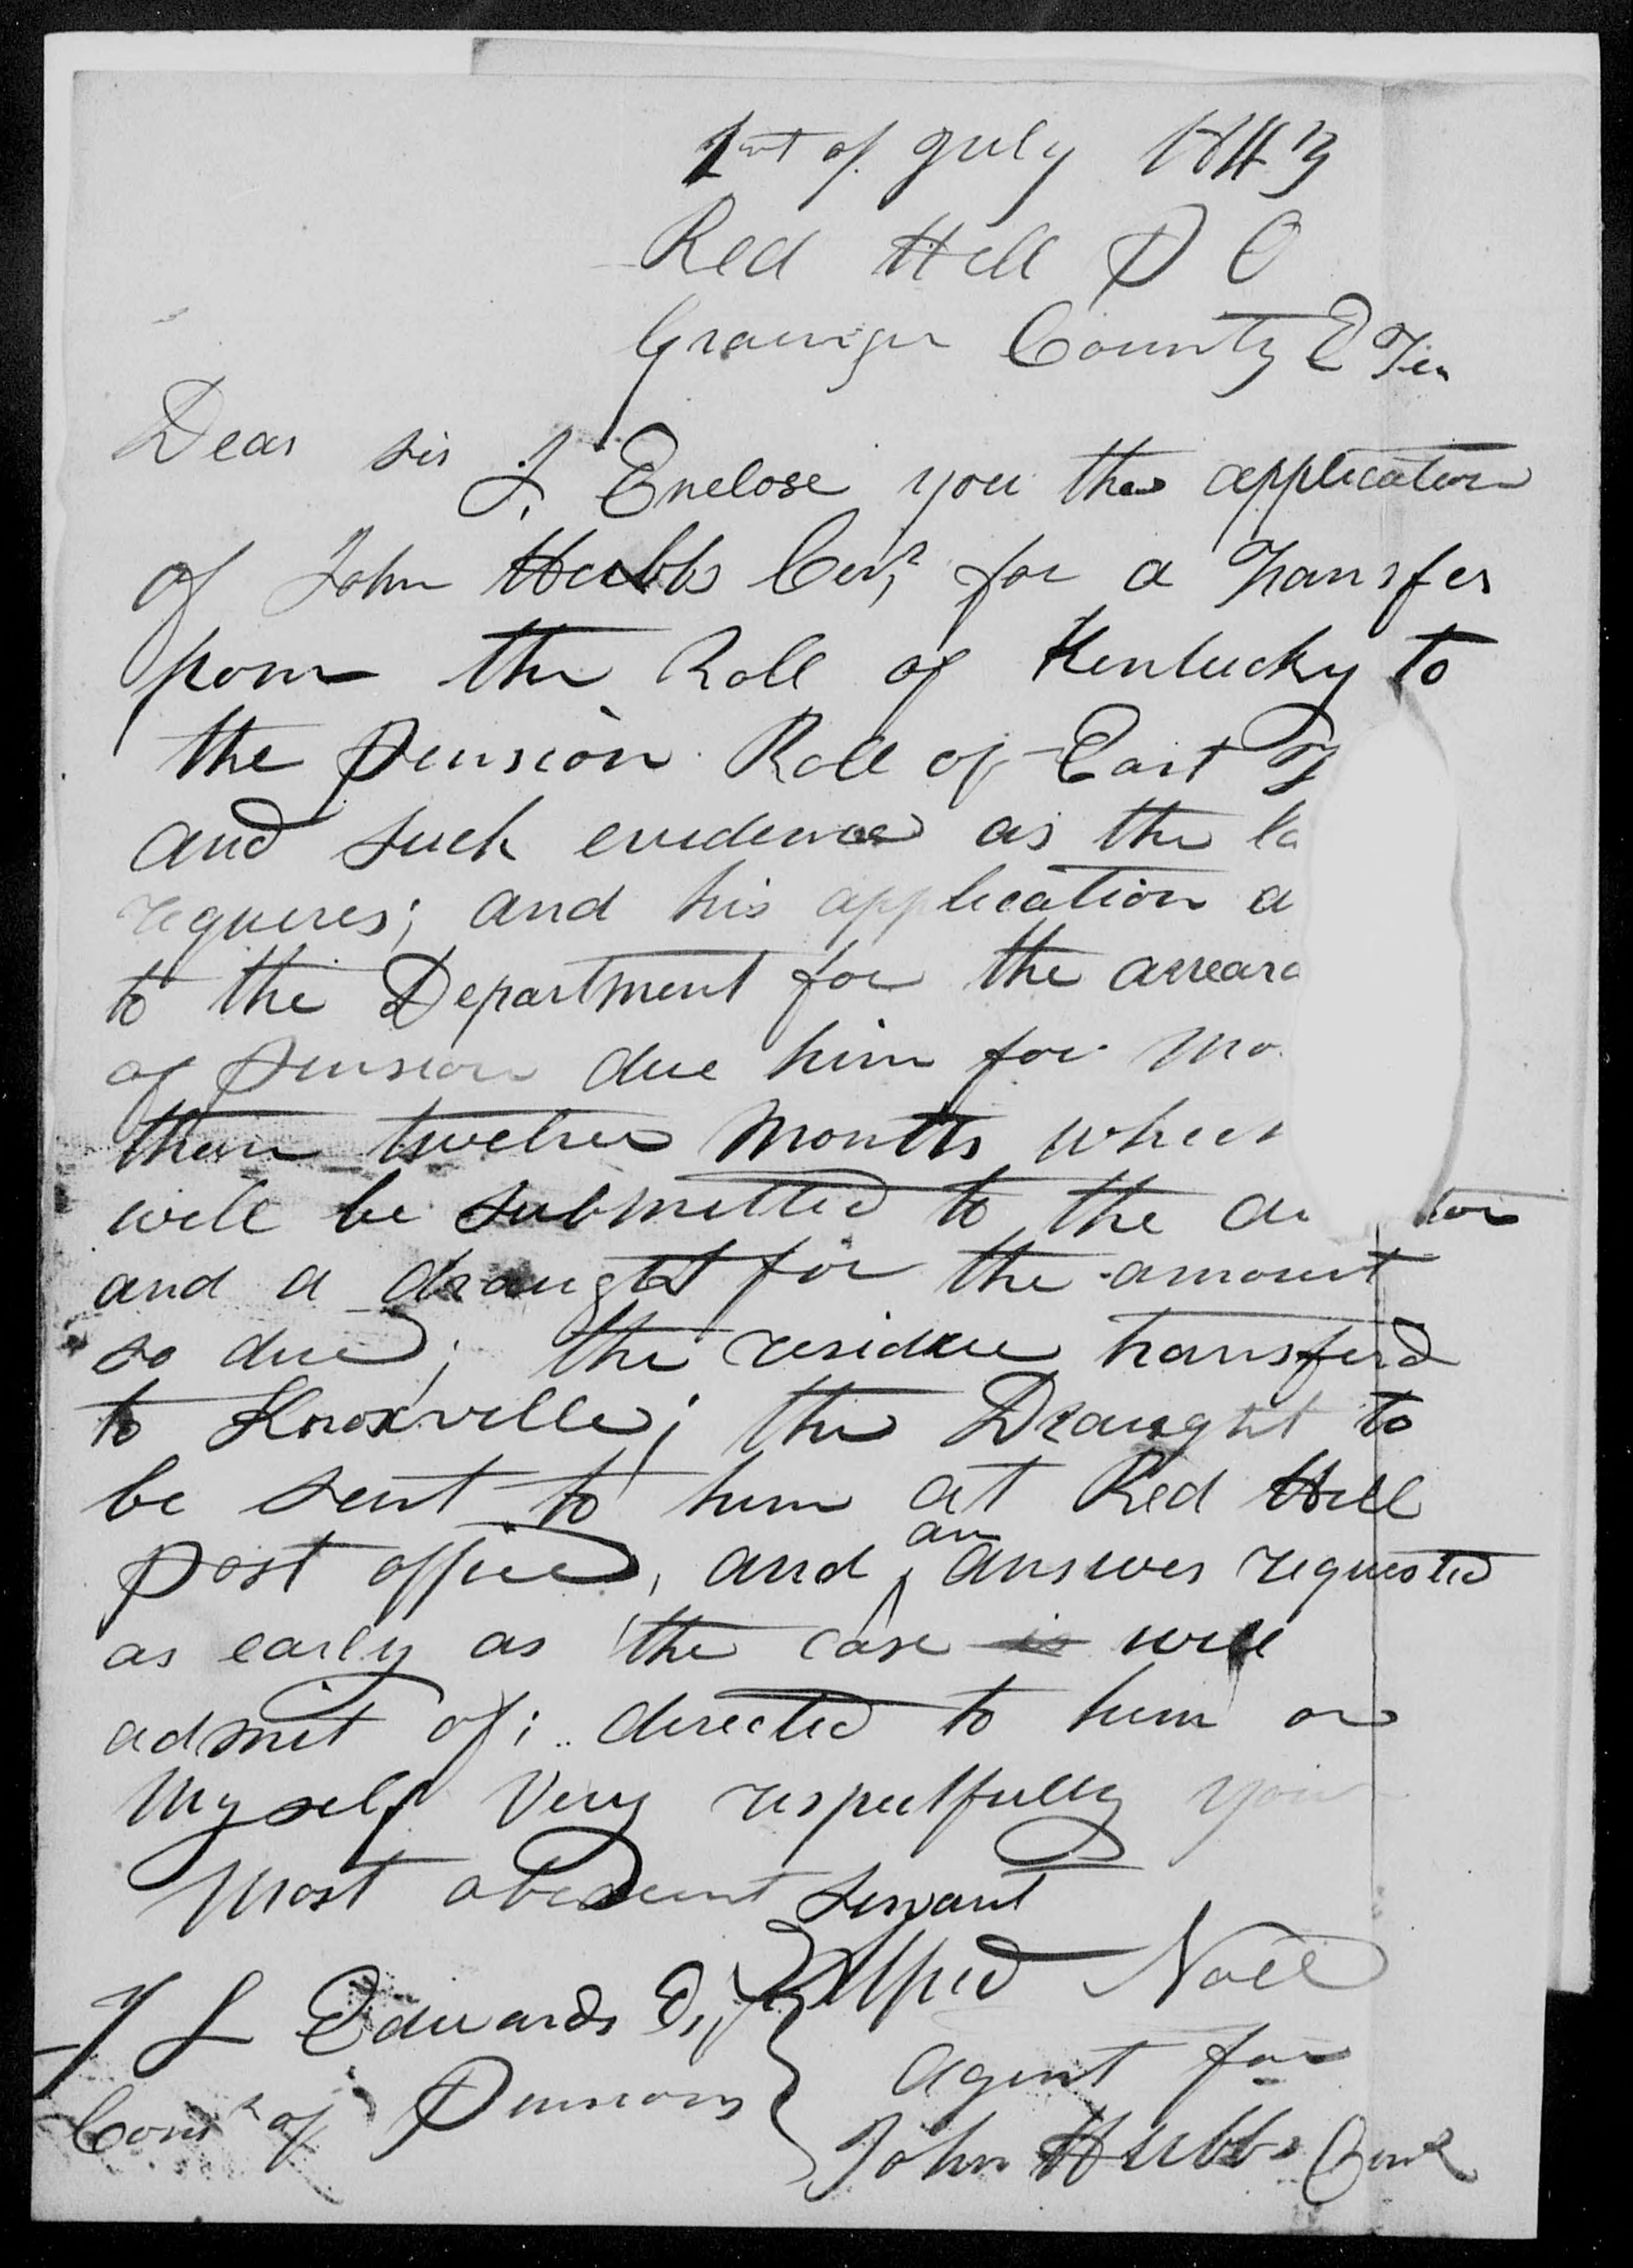1st of July 1843
Red Hill D.C.
Grainger County, Ten.

Dear Sir
 I enclose you the application of John Hubbs Cert., for a Transfer from the Roll of Kentucky to the Pension Roll of East Tenn. and such evidence as the l?? requires; and his application a?? to the Department for the arrears of pensions due him for mo?? than twelve months which will be submitted to the Auditor and a draught for the amount so due.: the Draught to be sent to him at Red Hill Post Office, and an answer requested as early as the case will admit of; directed to him or myself Very respectfully your Most obeseint servant 
Alfred Noll
Agent for John Hubbs, Gent.

H.L. Edwards Esq.
Comm. of Pensions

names: John Hubbs, J L Edwards, J Enelose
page: 45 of 86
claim: widow's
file: W. 1035, John Hubbs, S.C.